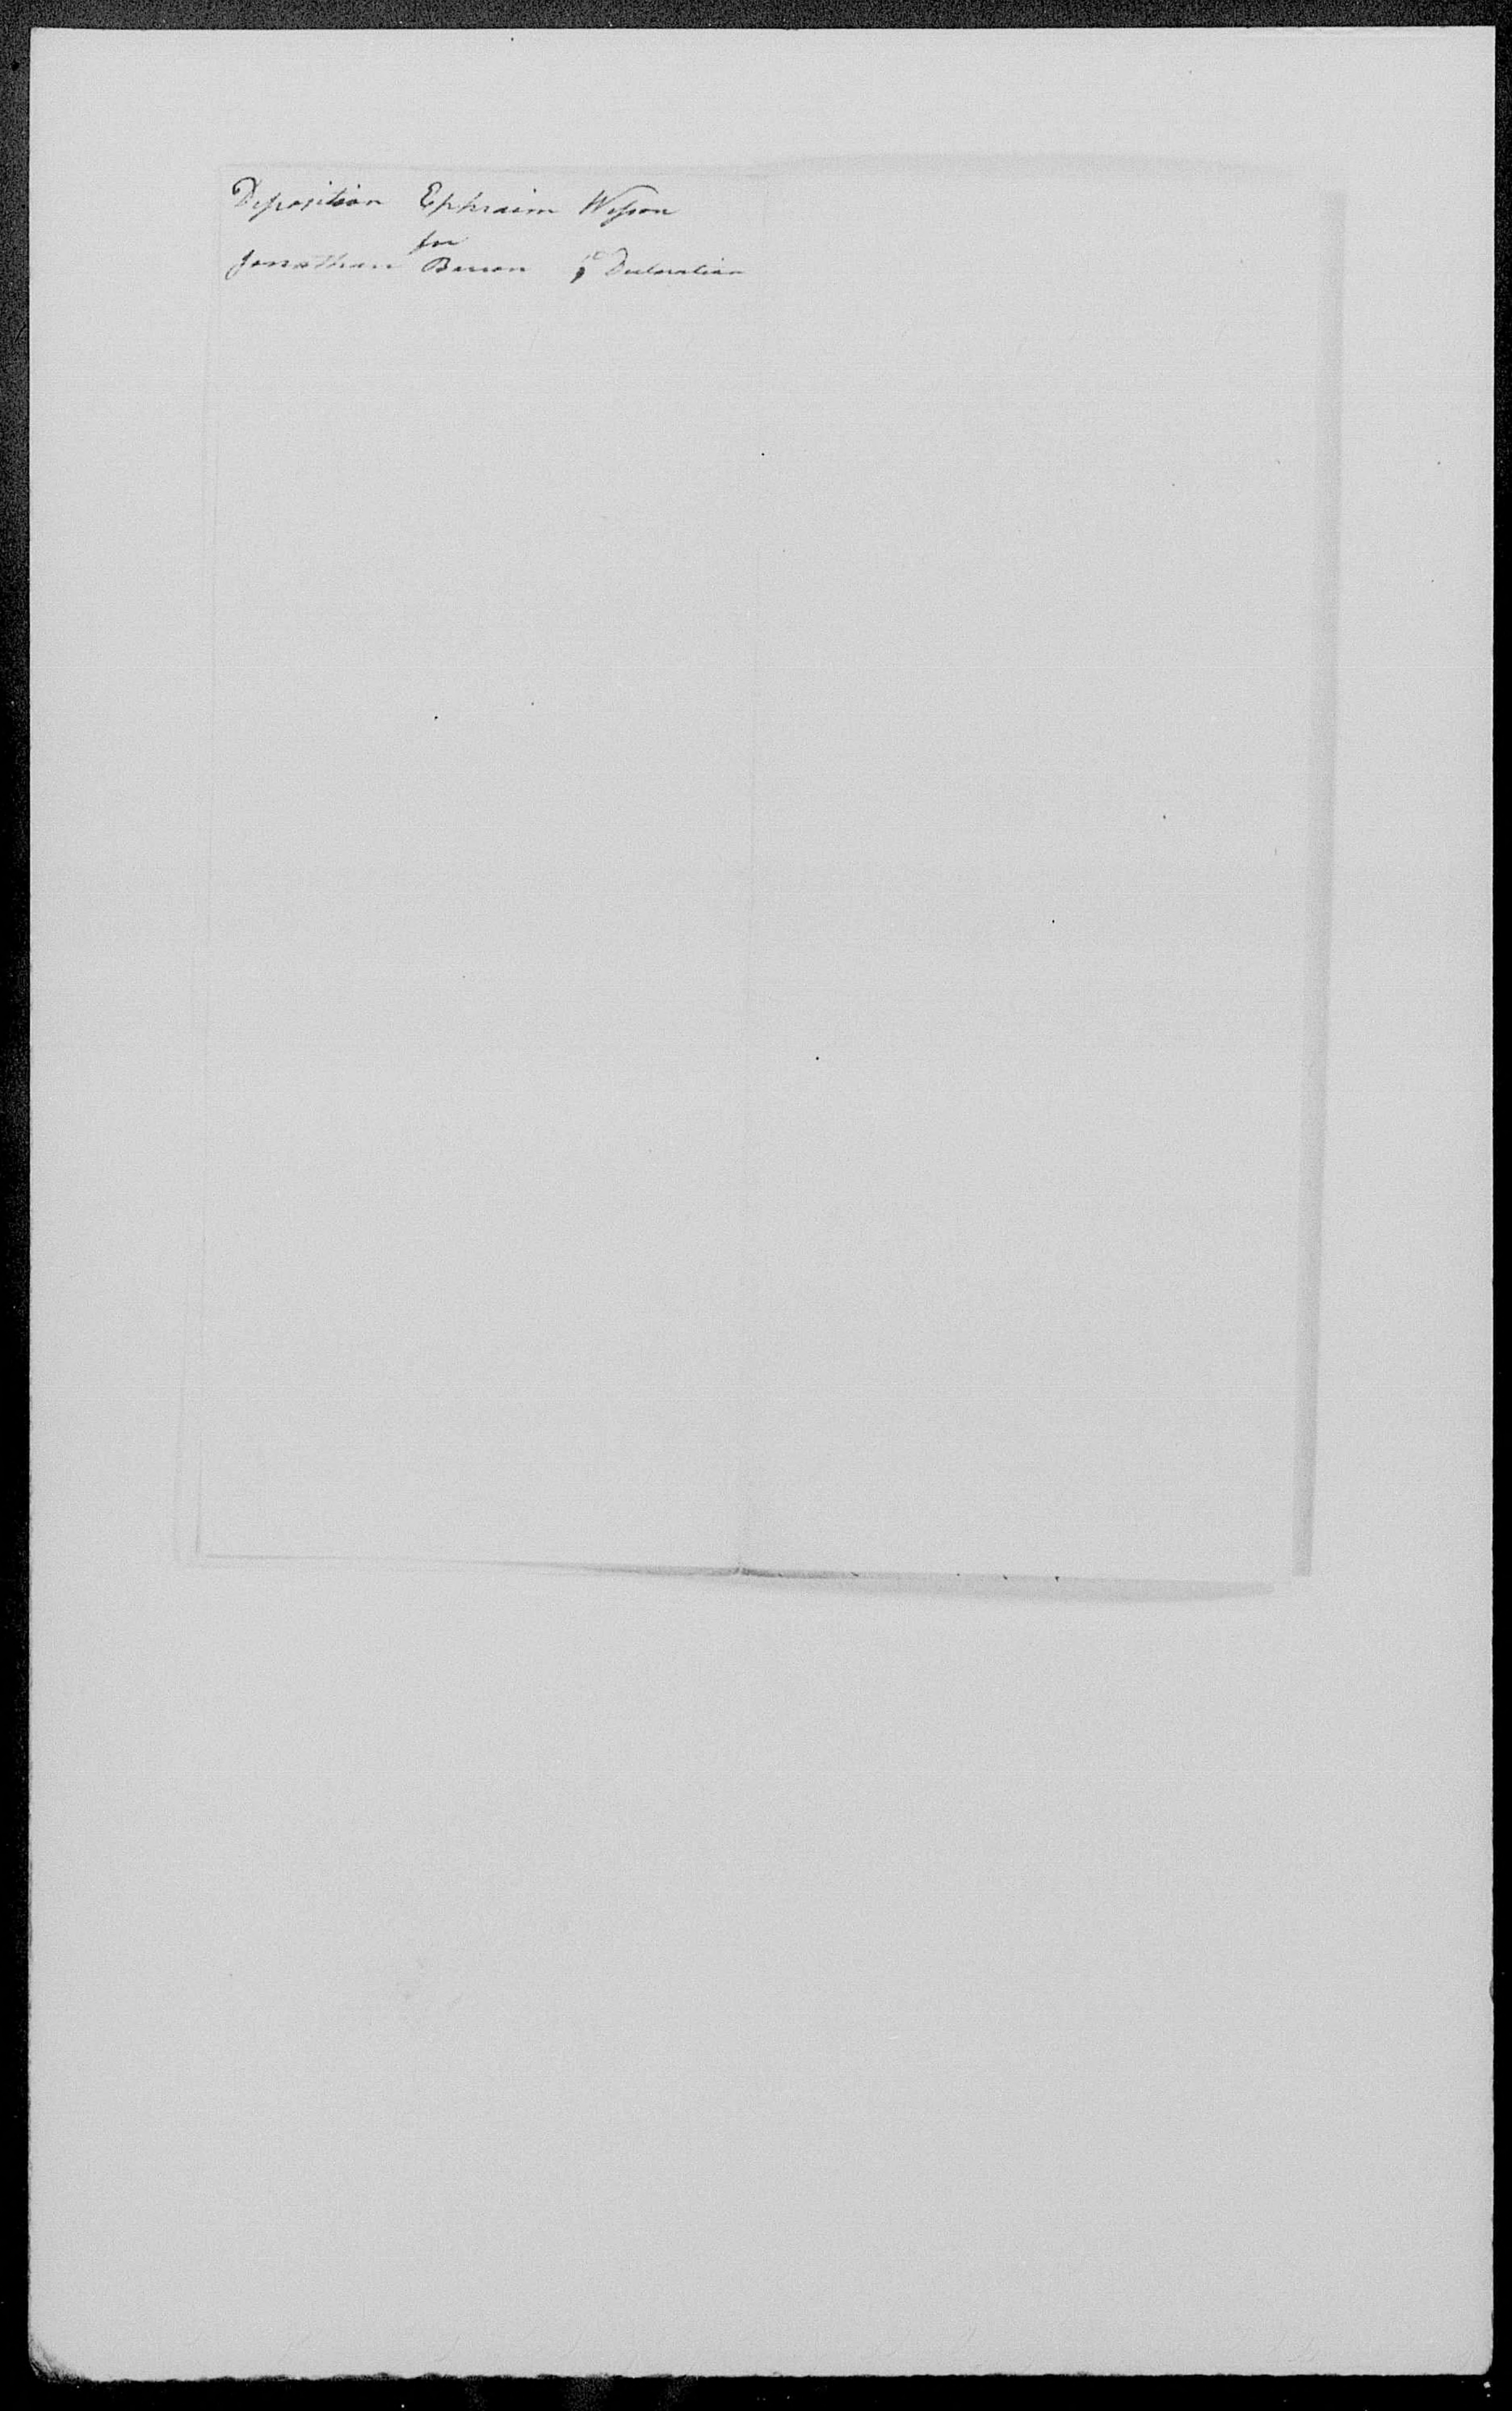Deposition Ephraim Wesson for Jonathan Barron 1st Declaration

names: Jonathan Barron, Ephraim Wesson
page: 15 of 25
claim: survivor's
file: S. 28986, Jonathan Barron, N.H.